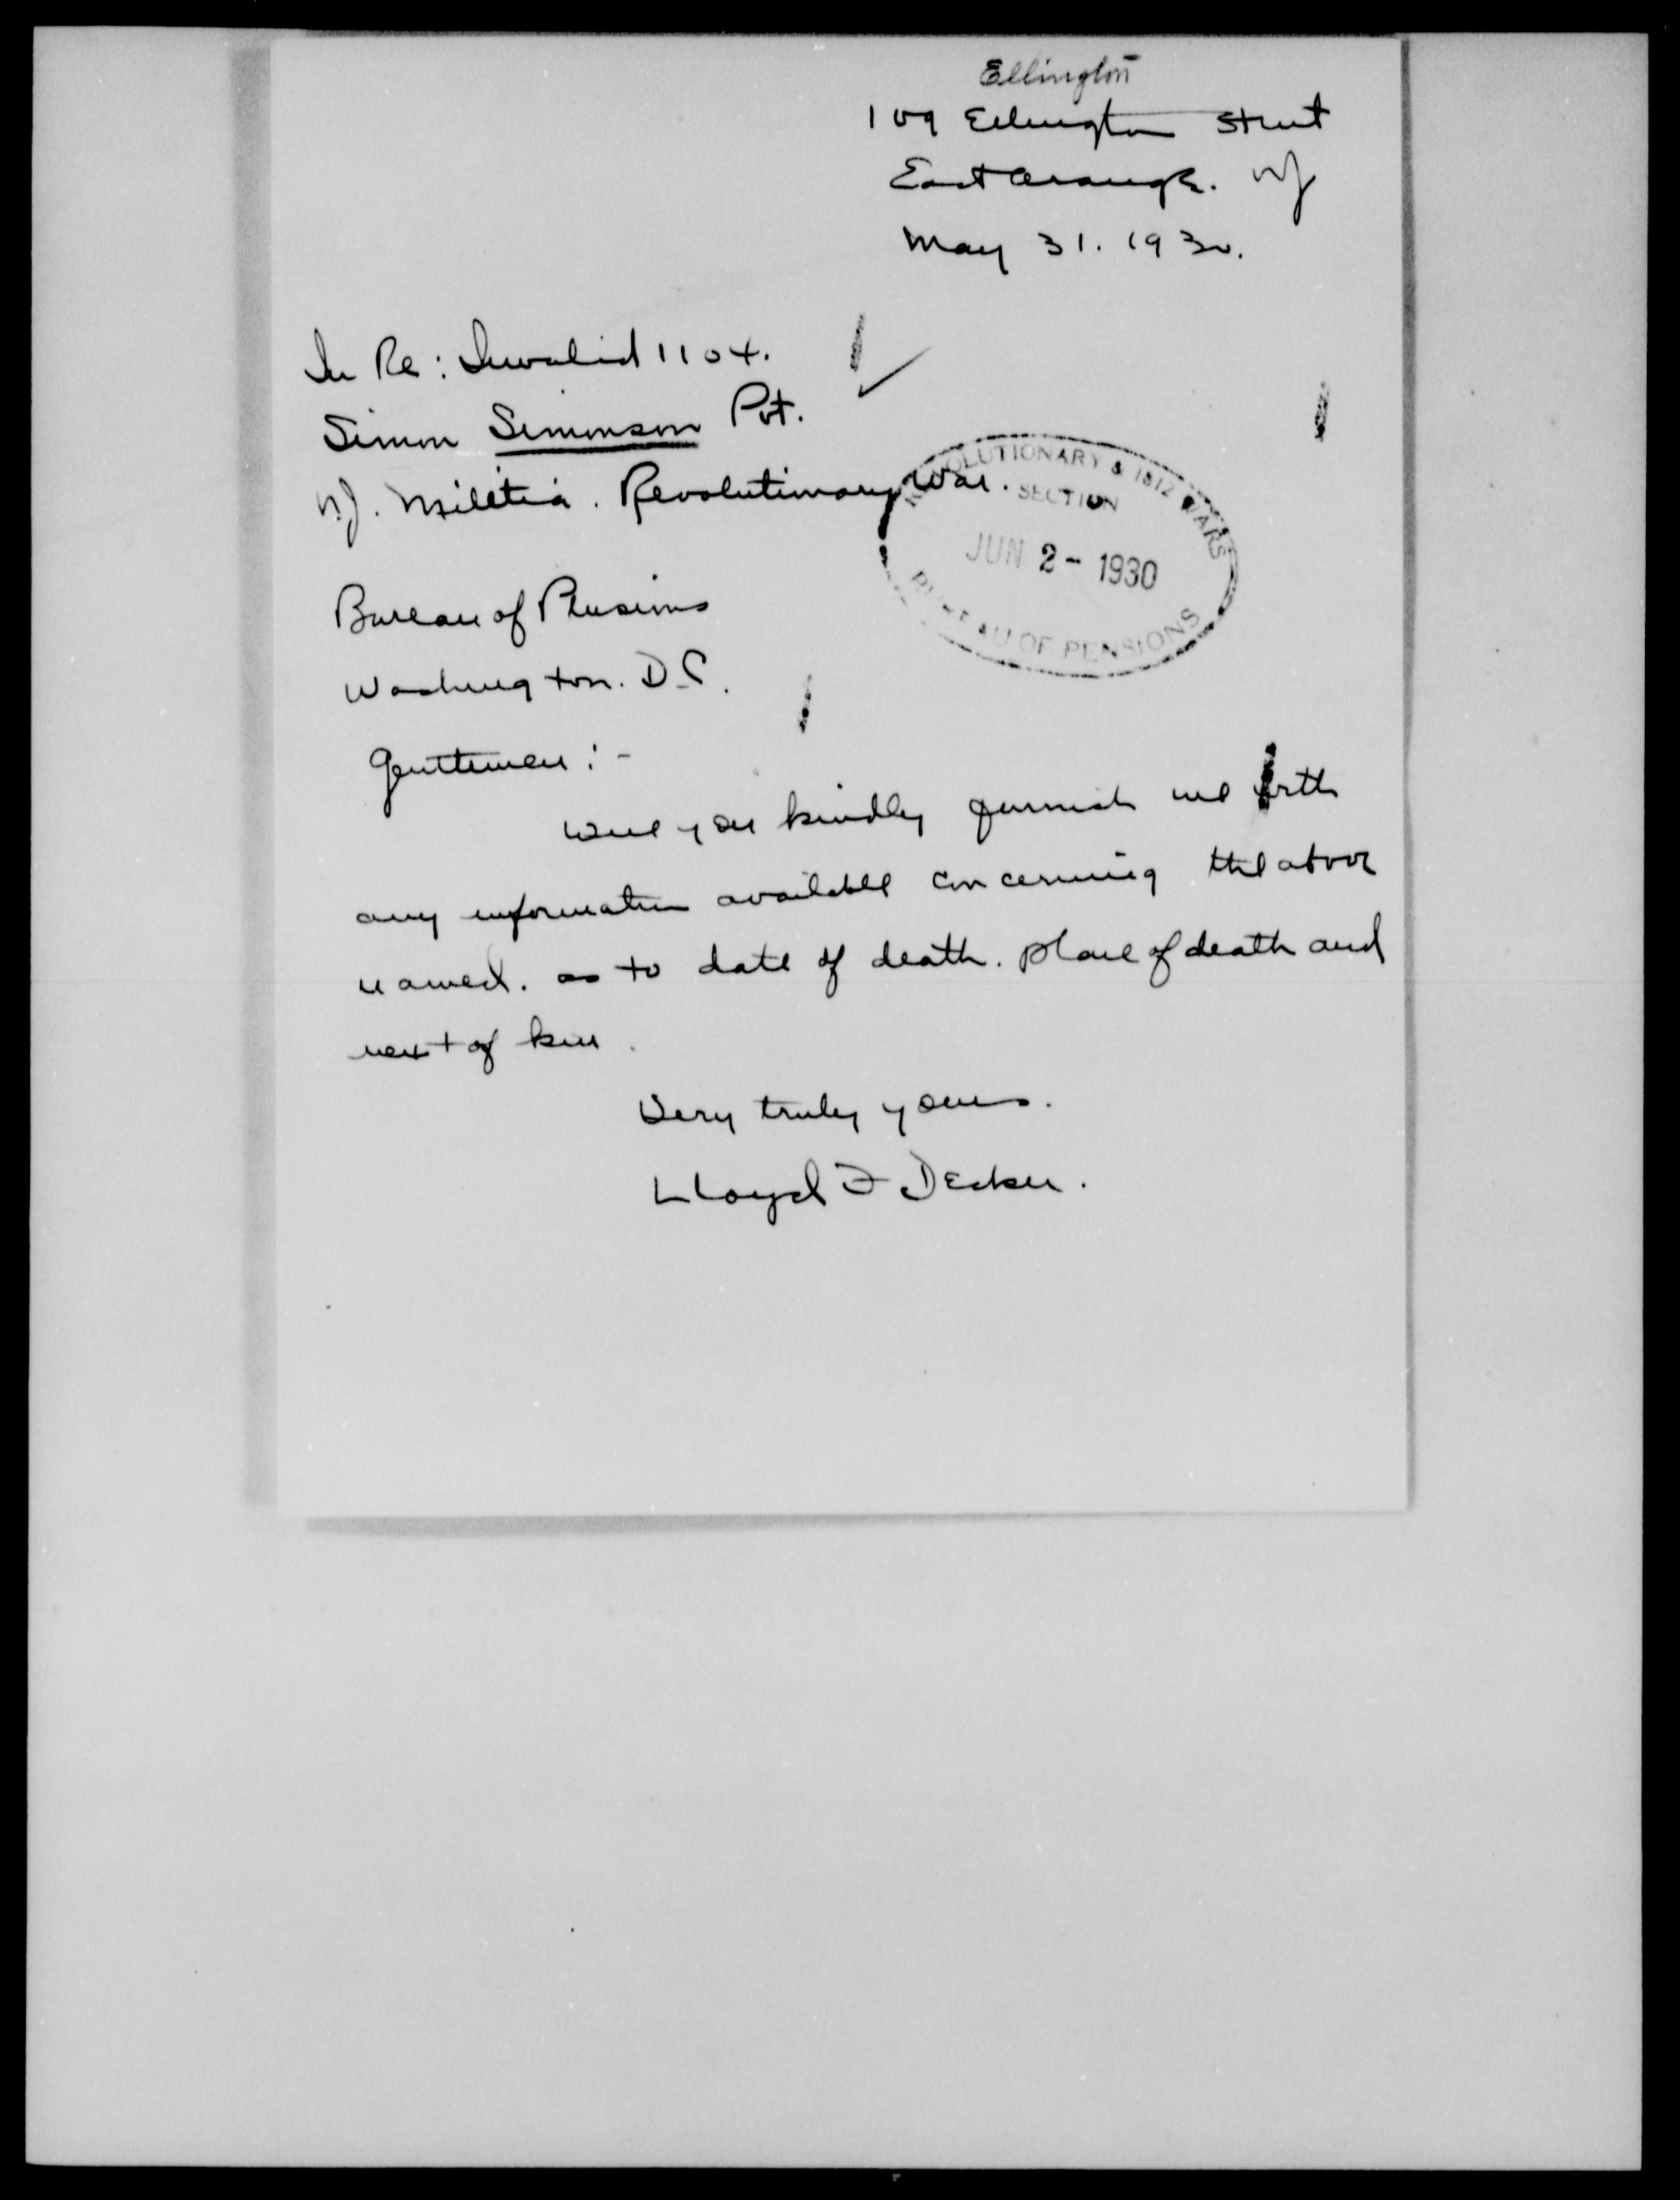109 Ellington Street
East Orange, NJ
May 31, 1930

In Re: Invalid 1104.
Simon Simonpson Pvt.
J. Militia, Revolutionary War.

[stamp:] REVOLUTIONARY & 1812 WARS SECTION BUREAU OF PENSIONS  JUN 2- 1930

Bureau of Pensions
Washington, D.C.

Gentleman:

Will you kindly furnish me with any information available concerning the above named as to date of death, place of death and next of kin.

Very truly yours,
Lloyd F Decker.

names: Lloyd F Decker; Simon Simonson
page: 20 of 30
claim: survivor's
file: S. 1104, for Simon Simonson, New Jersey